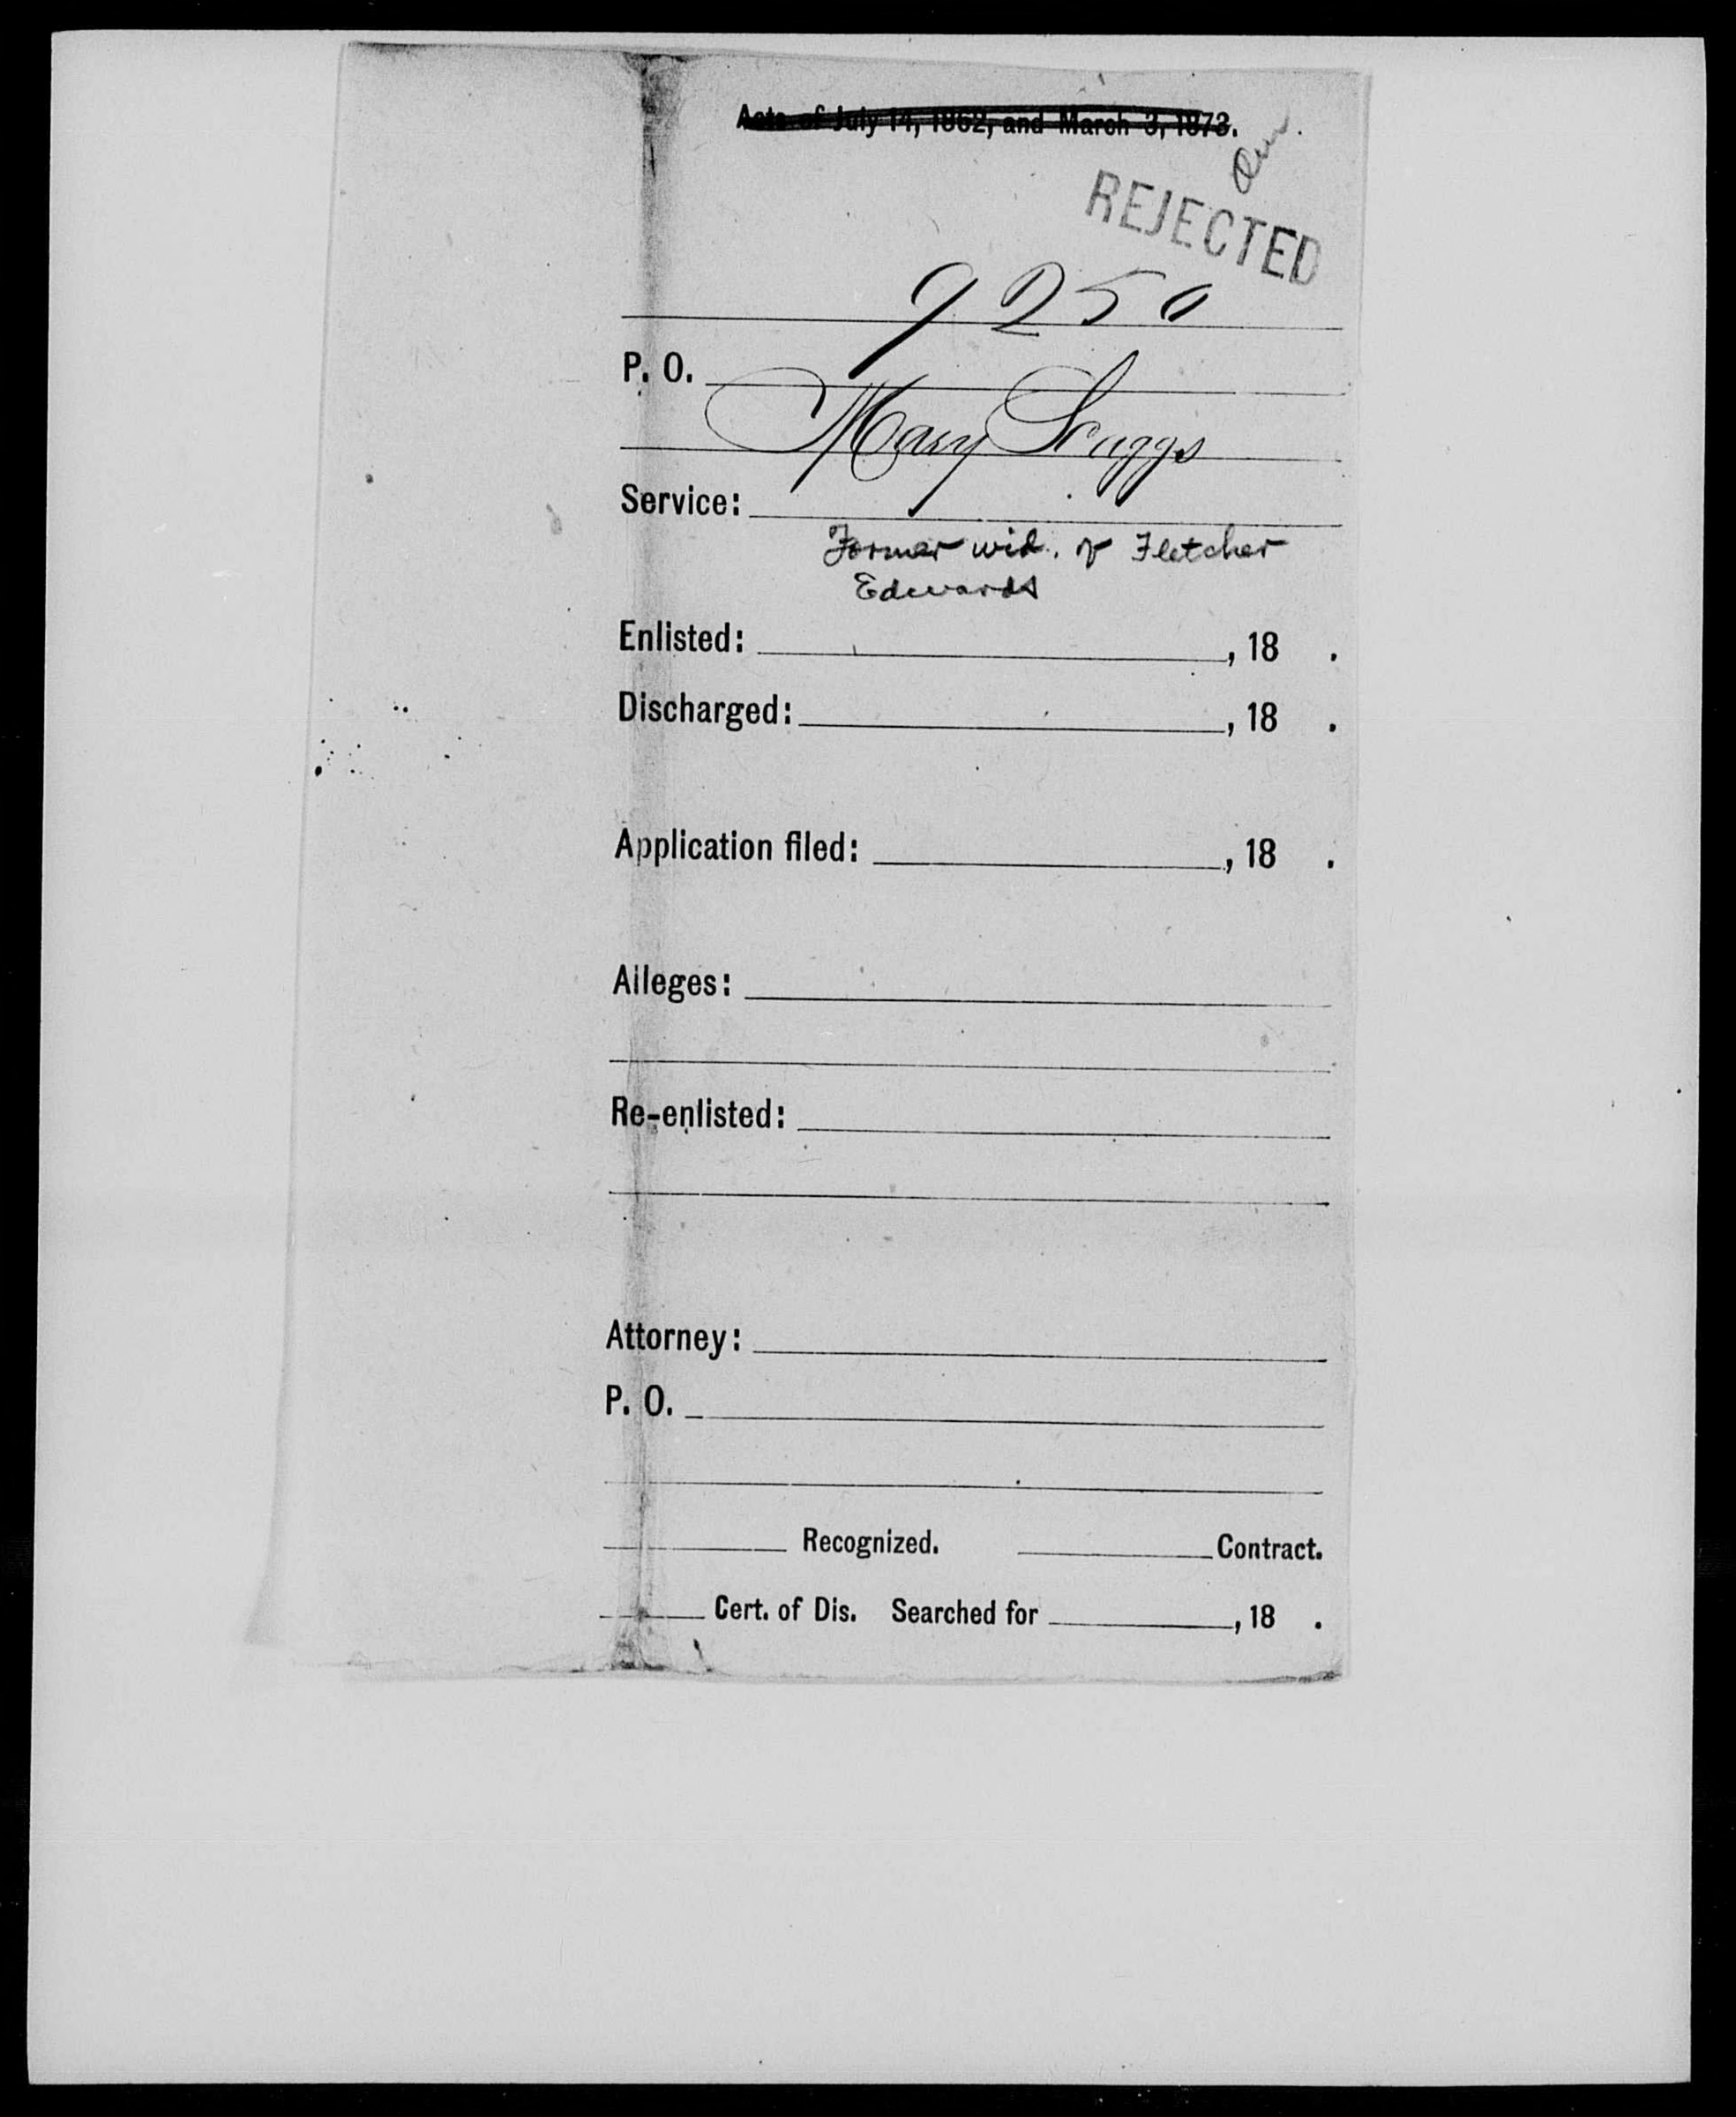REJECTED
7250

P.O. Mary Scaggs Former wid of Fletcher Edwards

Enlisted: _____, 18 __
Discharged: _____, 18 __
Application filed: _____, 18 __

Alleges: _____
Re-enlisted: ______

Attorney: ______
P.O. ______
_____ Recognized. _____ Contract
_____ Cert. of Dis.   Searched for _____, 18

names: Mary Scaggs, Fletcher Edwards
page: 11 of 16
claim: rejected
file: R. 9,250, Fletcher Edwards, S.C.